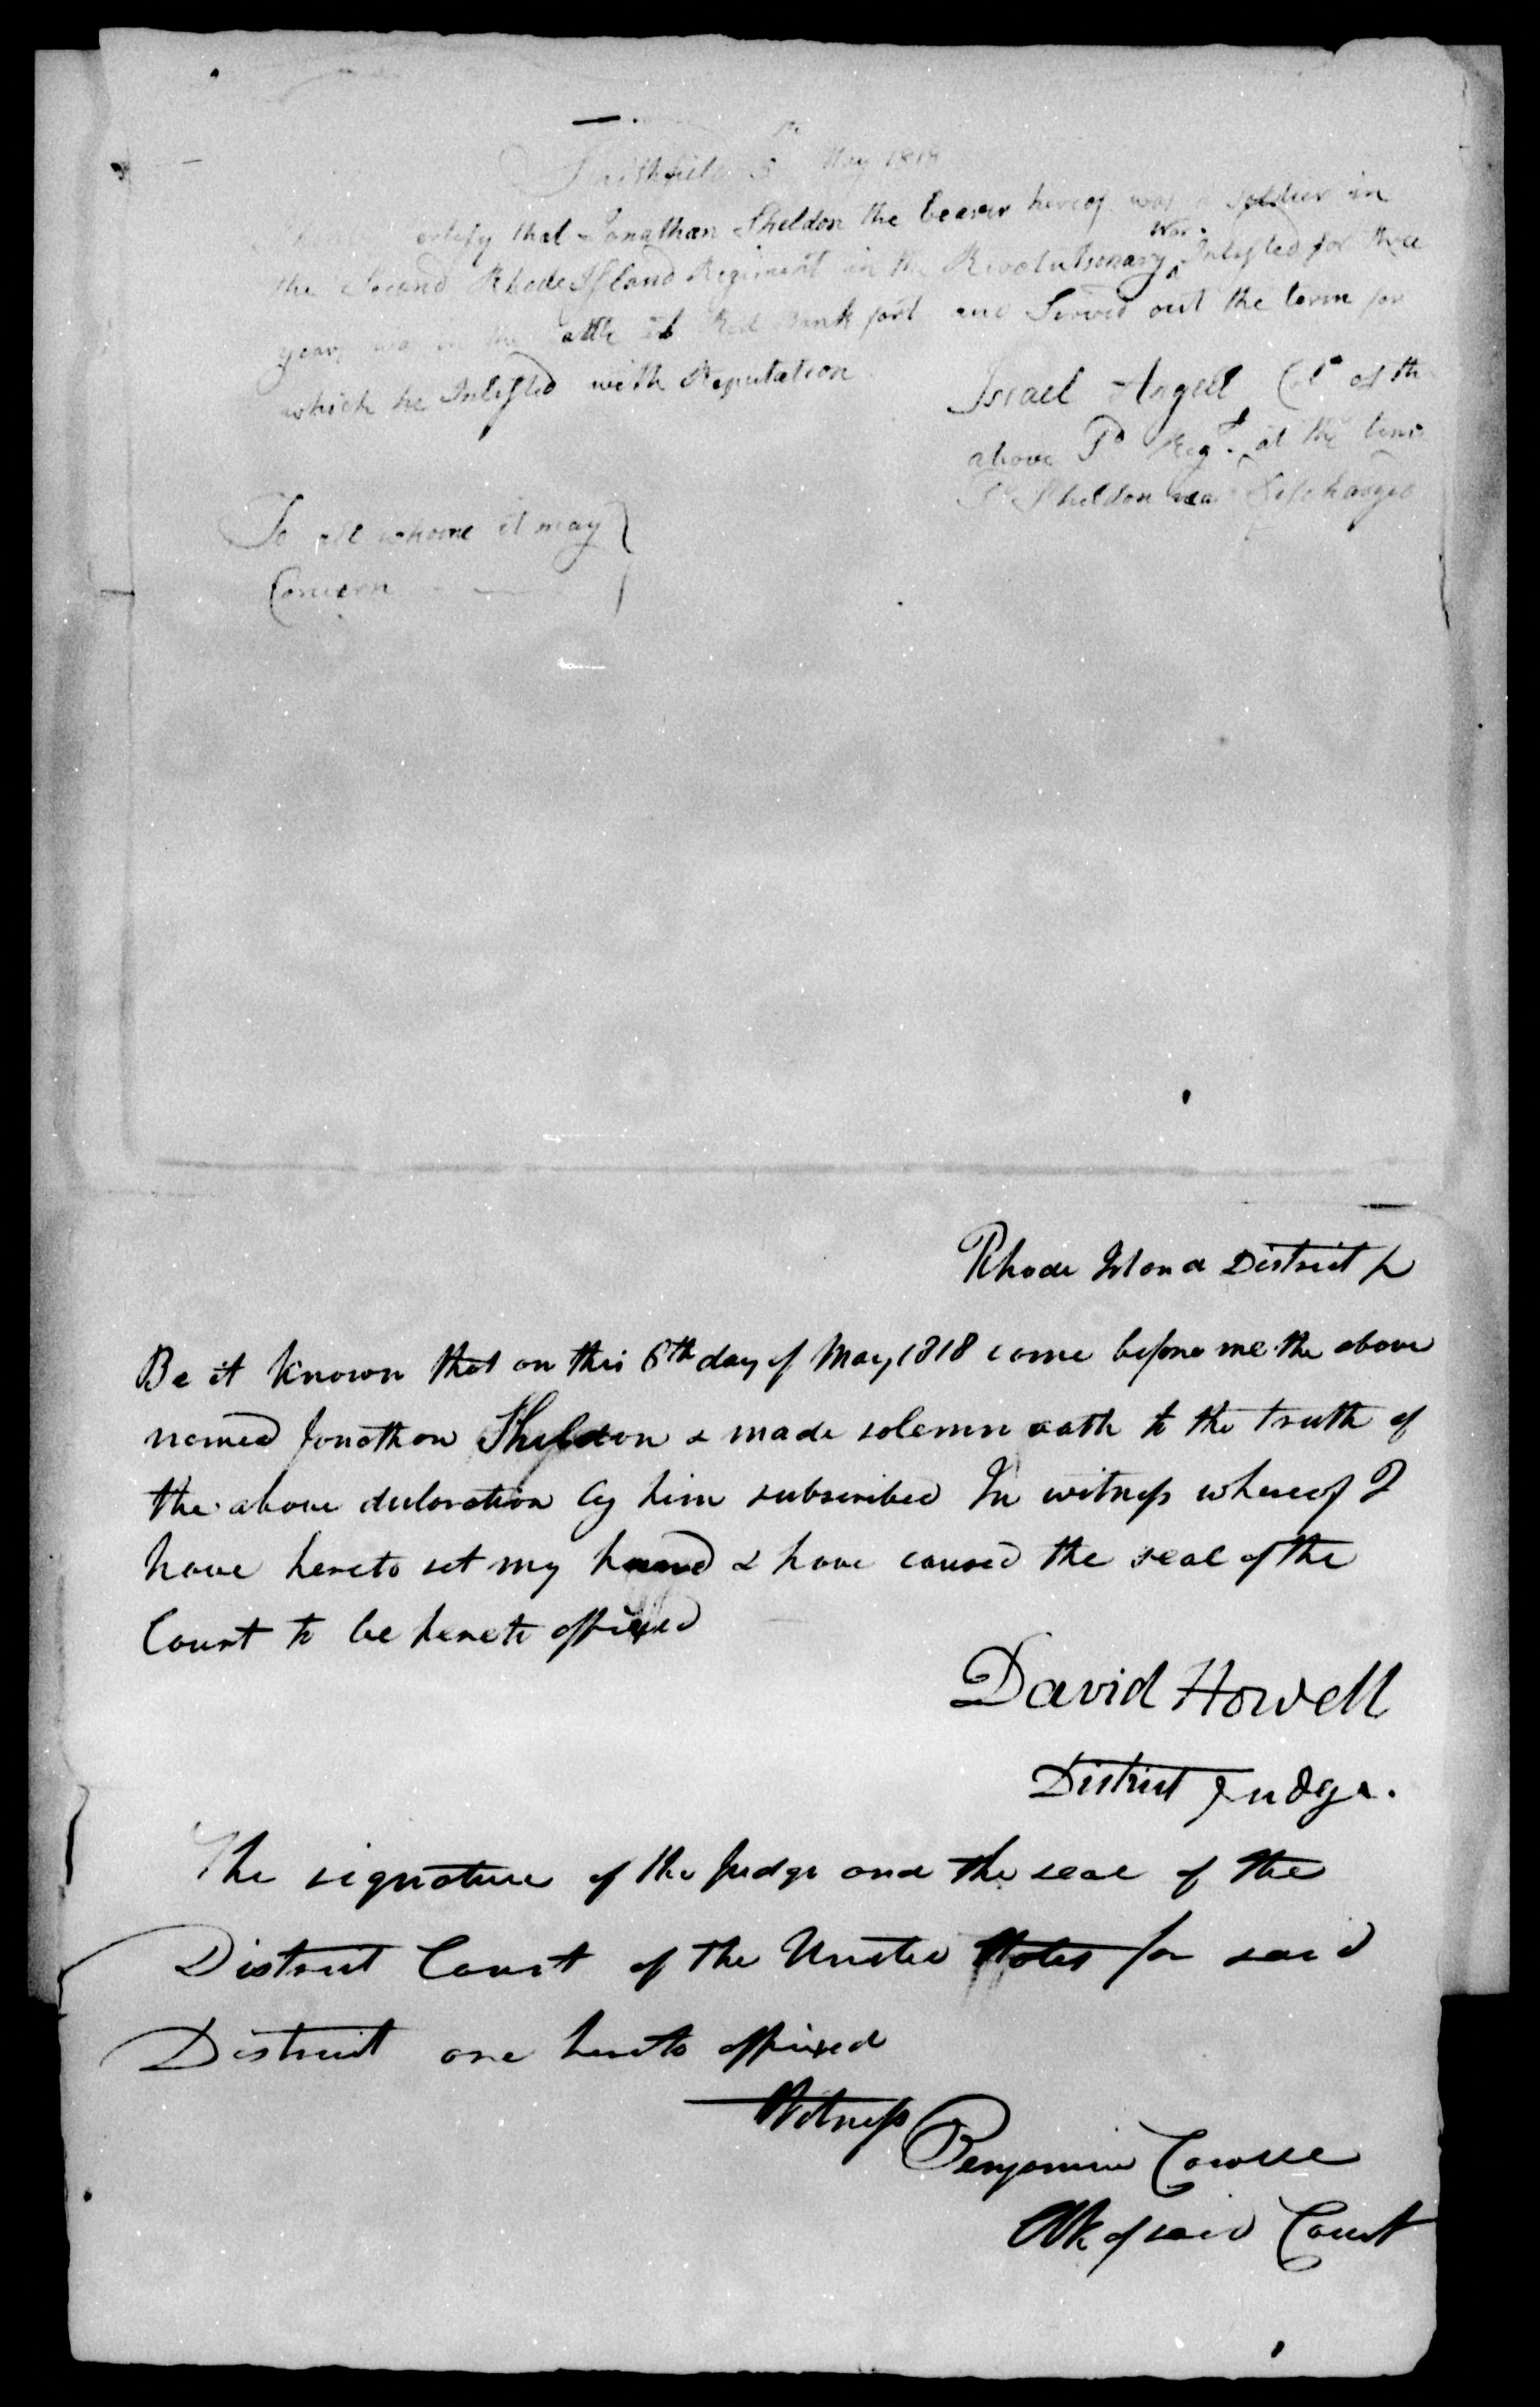Southfield 5th May 1818

I hereby certify that Jonathan Sheldon the bearer hereof was a soldier in the Second Rhode Island Regiment in the Revolutionary War.  Enlisted for three years was in the Battle & had rank Prvt [private] and lived out the term for which he enlisted with Reputation.
Israel Angell ( I of the above T reg at the time
T Sheldon was Discharged

To Whom it may Concern [in right brace]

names: P Sheldon; Jonathan Sheldon; Benjamin Cowell; Israel Angell; Jonathan Sheldon; David Howell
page: 8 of 11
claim: survivor's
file: S. 39840, for Jonathan Sheldon, Rhode Island